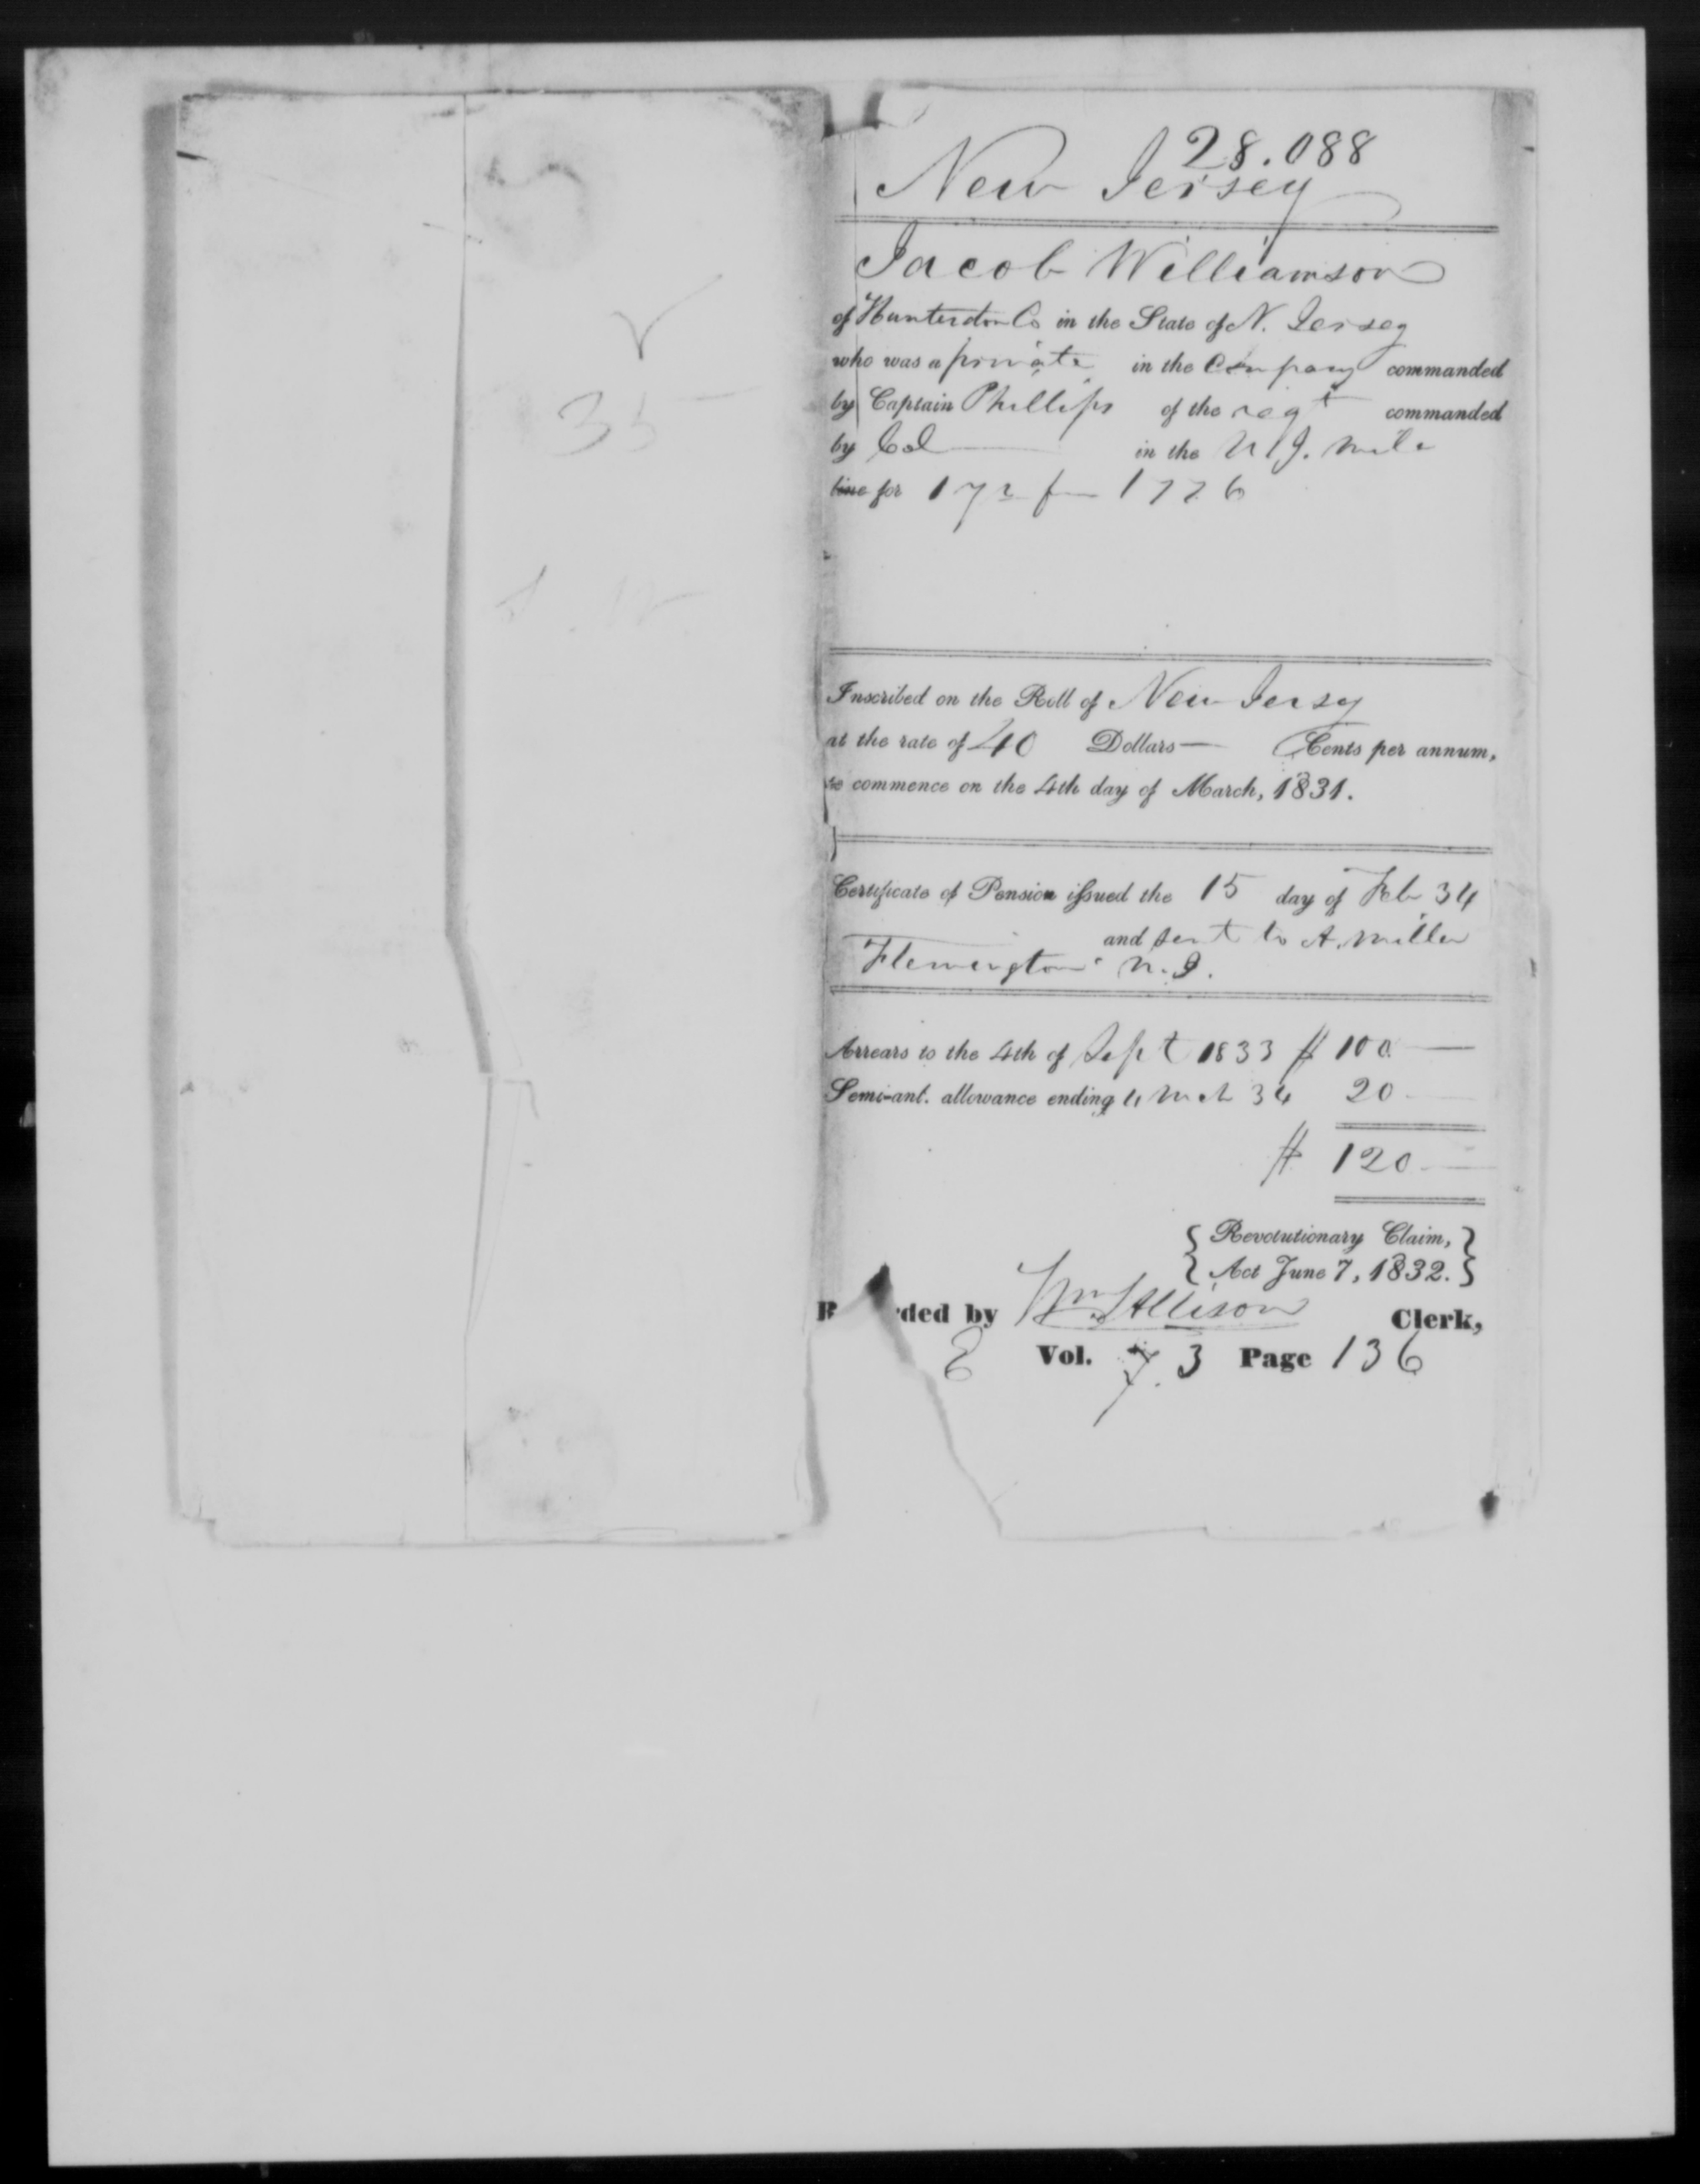28,088

New Jersey

Jacob Williamson of Hunterdon Co. in the State of N. Jersey, who was a Private in the company commanded by Captain Phillips of the reg(iment) commanded by Col. (blank) in the N. J. mil(itia) [crossed out: line] for 1 yr. from 1176.

Inscribed on the Roll of New Jersey at the rate of 40 Dollars (blank) Cents per annum, to commence on the 4th day of March 1831.

Certificate of Pension issued the 15 day of Feb. '34 and sent to A. Miller, Flemington N.J.

Arrears to the 4th of Sep. 1833.........$100
Semi-anl. allowance ending 4 Mar. '34.....20
                                        =====
                                        $120

{Revolutionary Claim, Act June 7, 1832}

Recorded by Wm. Allison, Clerk
Book E; Vol. 73; Page 136

[illegible]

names: A Miller, Wm S Allison, Phillips, Jacob Williamson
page: 7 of 67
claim: widow's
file: W. 2393, Jacob Williamson, New Jersey